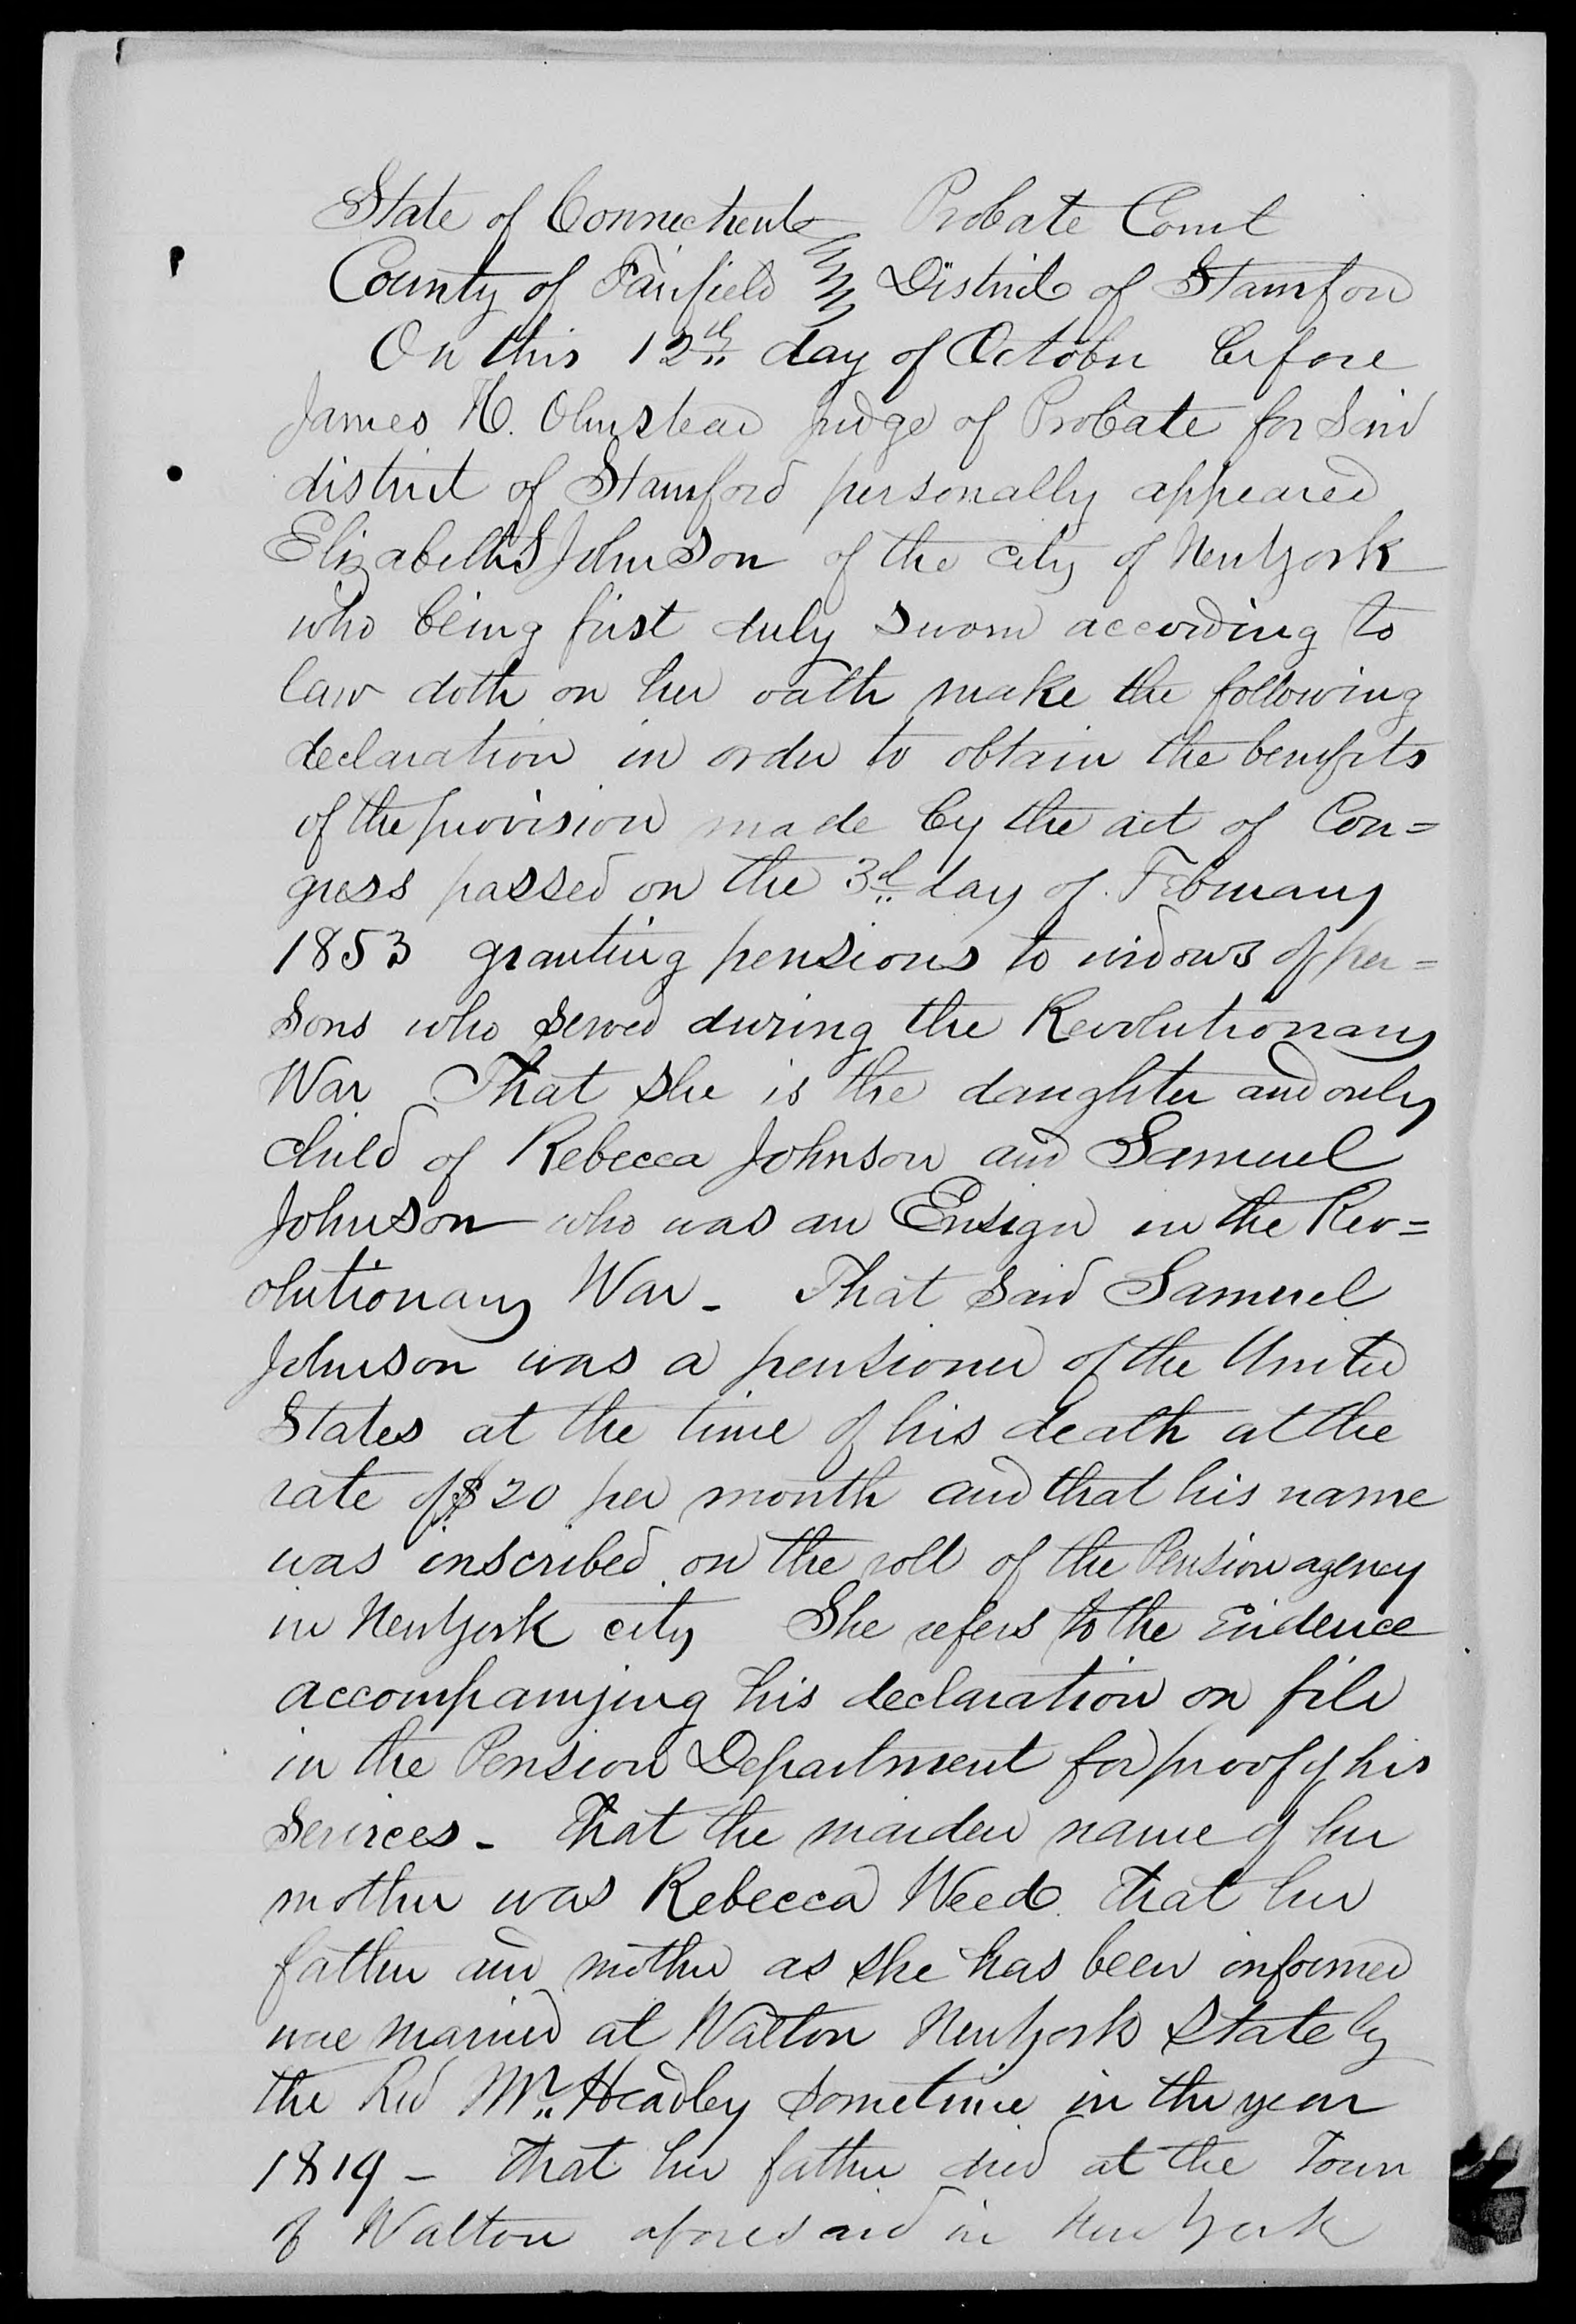State of Connecticut 
County of Fairfield} 
Probate Court District of Stamford 
On this 12th day of October before  James H. Olmstead Judge of Probate for said district of Stanford personally appeared Elizabeth Johnson of the City of New York who being first duly sworn according to law doth on her oath make the following declaration in order to obtain the benefits of the provision made by the act of Congress passed on the 3d day of February 1853 granting pensions to widows of persons who served during the Revolutionary War.   That she is the daughter and only child of Rebecca Johnson and Samuel Johnson who was an Ensign in the Revolutionary War.  That said Samuel Johnson was a pensioner of the United States at the time of his death at the rate of $20 per month and that his name was inscribed on the roll of the Pension agency in New York City.   She refers to the Evidence A accompanying his declaration on file in the Pension Department for proof of his Services.  That the maiden name of her mother was Rebecca Weed that her father and mother as she has been informed were married at Walton New York State by the Rev’d Mr Headley sometime in the year 1819 - that her father died at the town of Walton aforesaid in New York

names: Samuel Johnson; James H Olmstead; Rebecca Johnson; Rebecca Weed; [BLANK] Headley; Elizabeth Johnson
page: 14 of 43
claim: rejected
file: R. 5655, for Samuel Johnson, Connecticut